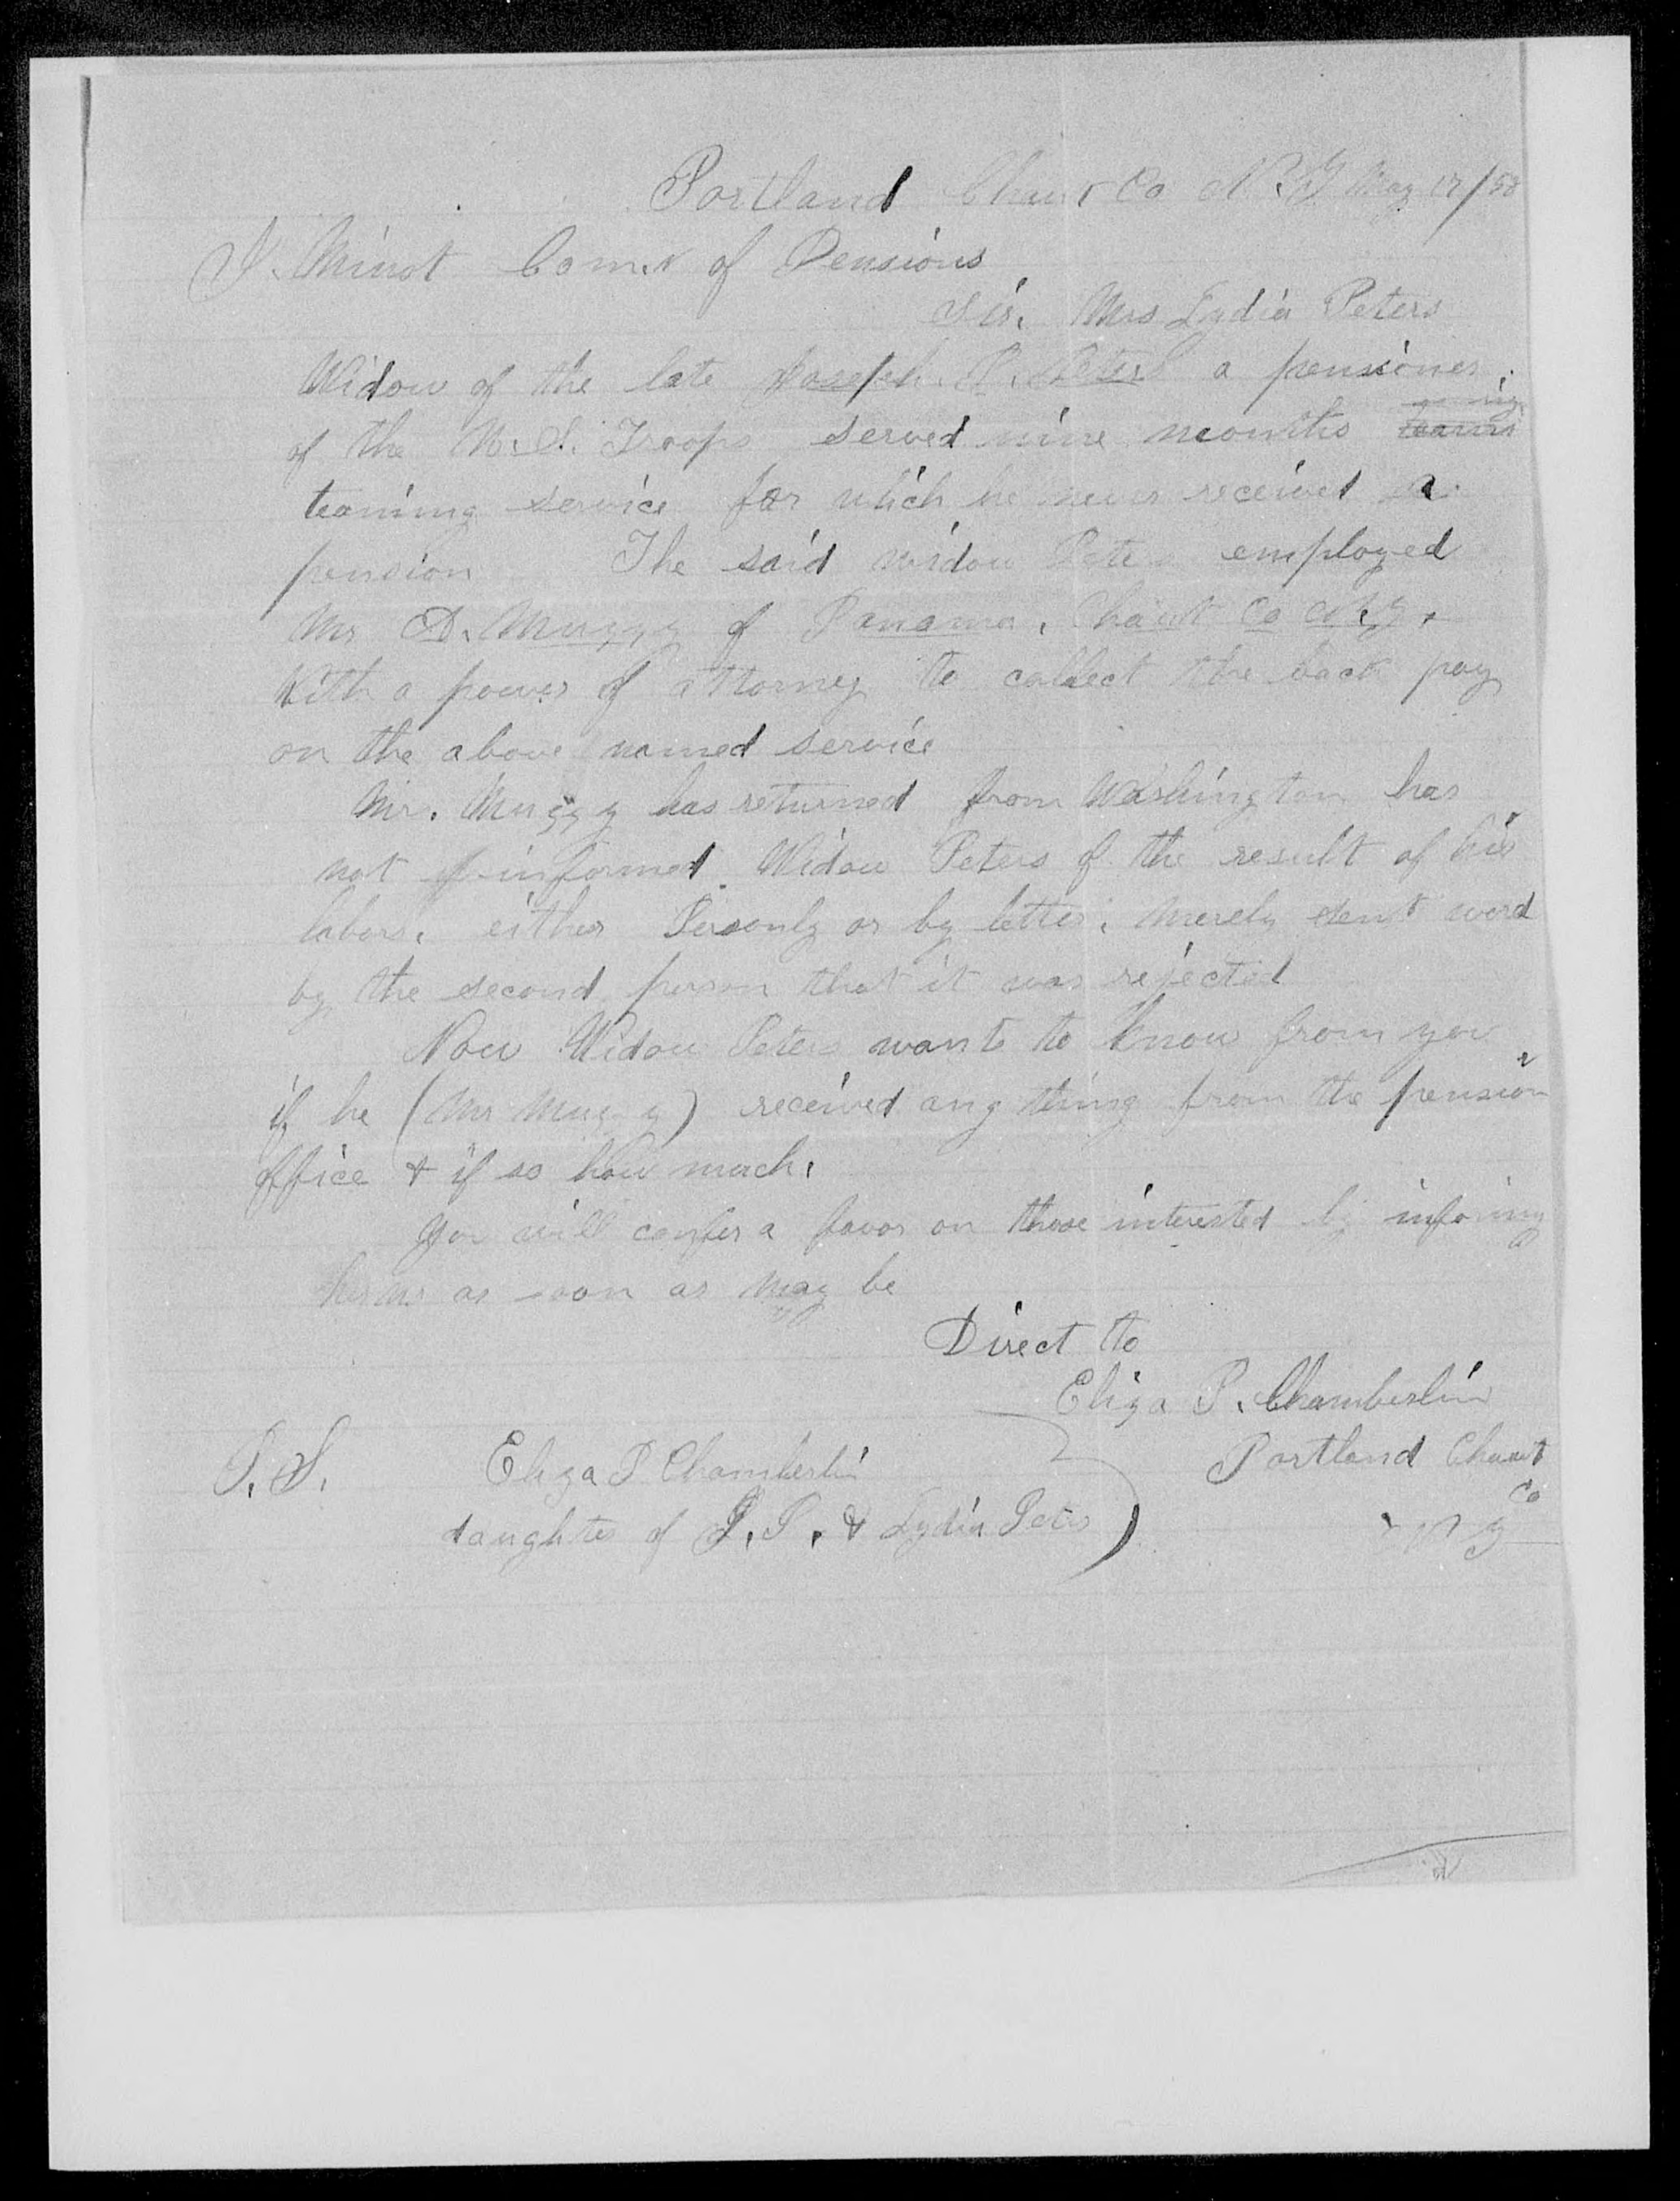Portland Chaut Co NY May 17/58 
J Minot Commr of Pensions 
Sir, Mrs Lydia Peters Widow of the late Joseph P. Peter a pensioner. of the U.S. Troops served nine months teaming service for which he has received a pension the said Widow Peters employed Mr A. Muzzy of Panama Chaut Co NY & with a power of attorney to collect the back pay on the above named service.  
Mr. Muzzy has returned from Washington has not of informed Widow Peters of the result of his labors, either personally or by letter, merely sent word by the second person that it was rejected.  
Now Widow Peter want to know from you if he (Mr Muzzy) received any thing from the pension Office & if so how much.
You will confer a favor on those interested by informing her as soon as may be 
Direct to 
Eliza P Chamberlin 
Portland Chaut Co. NY
P. S. Eliza P. Chamberlin daughter of J. P. & Lydia Peters}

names: Eliza P Chamberlin; A Muzzy; Lydia Peters; J Minot; Joseph P Peters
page: 43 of 73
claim: widow's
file: W. 2338, for Joseph P Peters, Connecticut